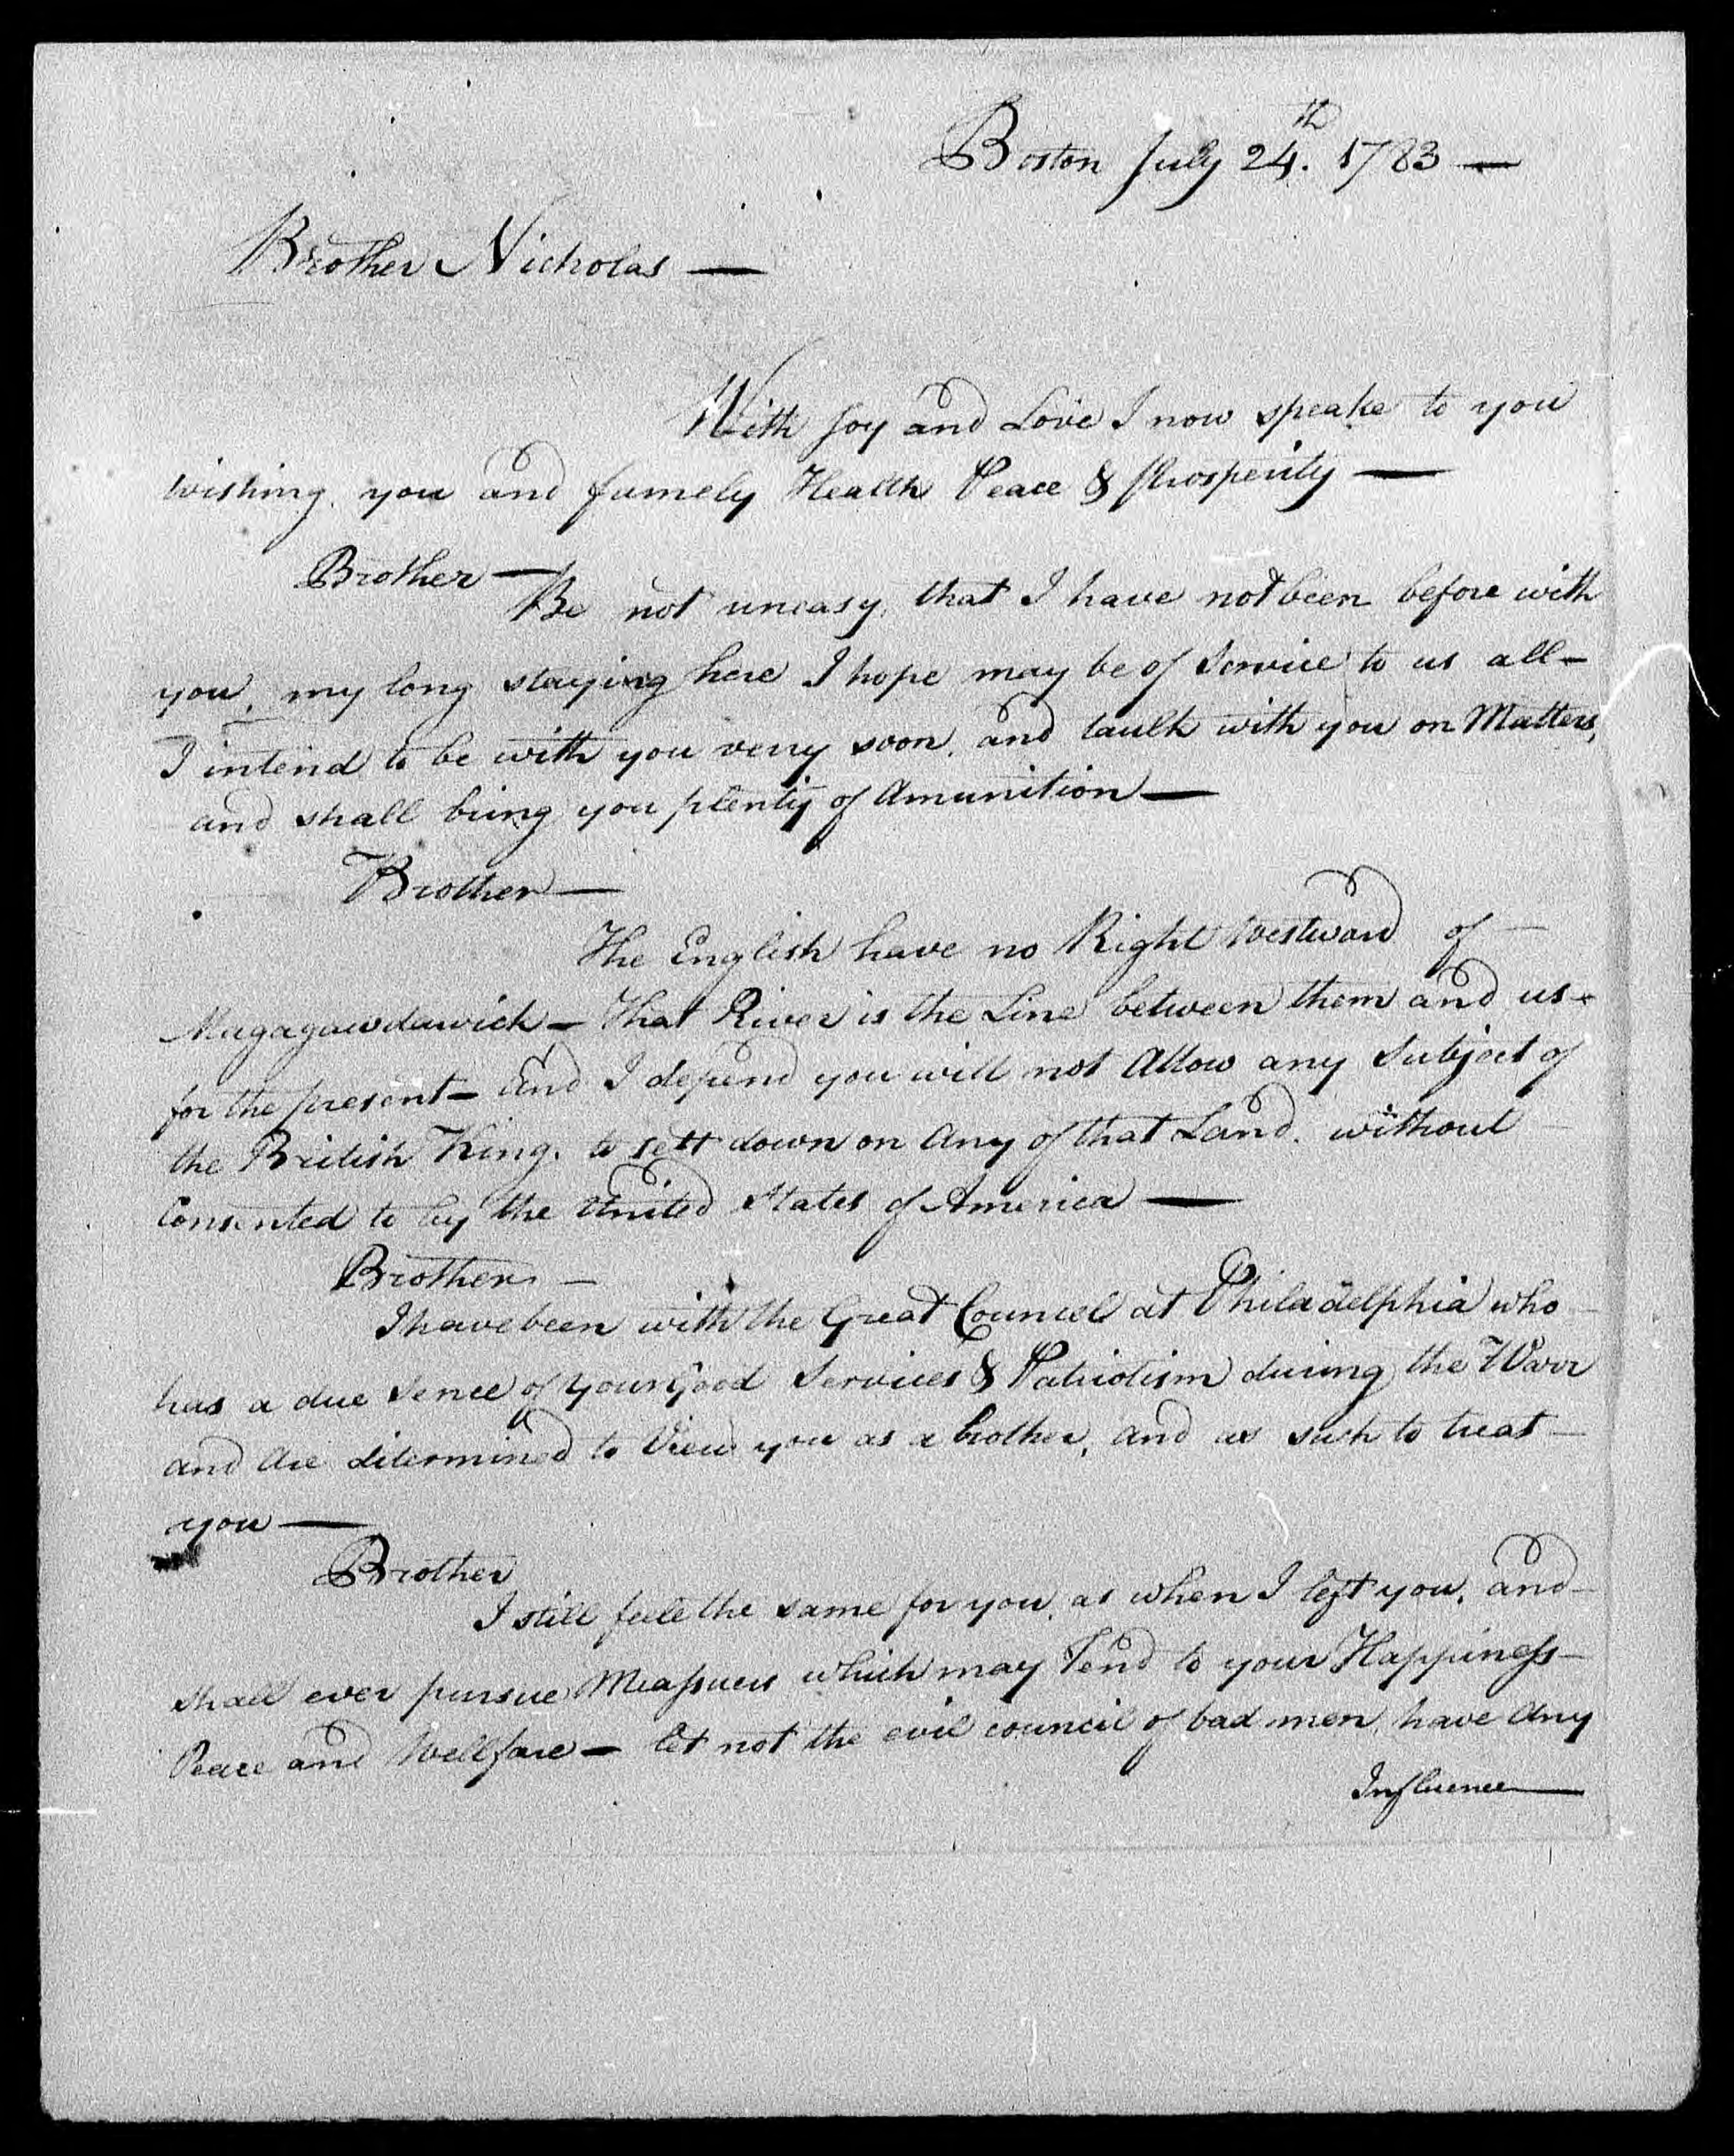Boston July 24, 1783

Brother Nicholas

With joy and love I now speake to you wishing you and family Health Peace & Prosperity

Brother-
Be not uneasy, that I have not been before with you, any long staying here I hope may be of service to us all
I intend to be with you very soon, and laugh with you on Matters, and shall bring you plenty of Amunition

Brother-
The English have no Right westward of Magagawdavick - that river is the line between them and us for the present - and I suppose you will not allow any subject of the British King to set down on any of thatLand withoout consented to by the United Staes of America-

Brother
I have been with the Great Counsel at Philiadelphia who has a due sense of yong good services & Patriotism during the War and are determined to view you as a brother and as such to trust you -

Brother
I still feel the same for you as when I left you, and shall ever pursue (illegible) which may tend to your Happiness Pease and Wellfare- let not the evil counsil of bad men have any Influence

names: Nicholas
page: 22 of 52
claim: survivor's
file: S 17997, Nicholas Hawwawas, Mass.